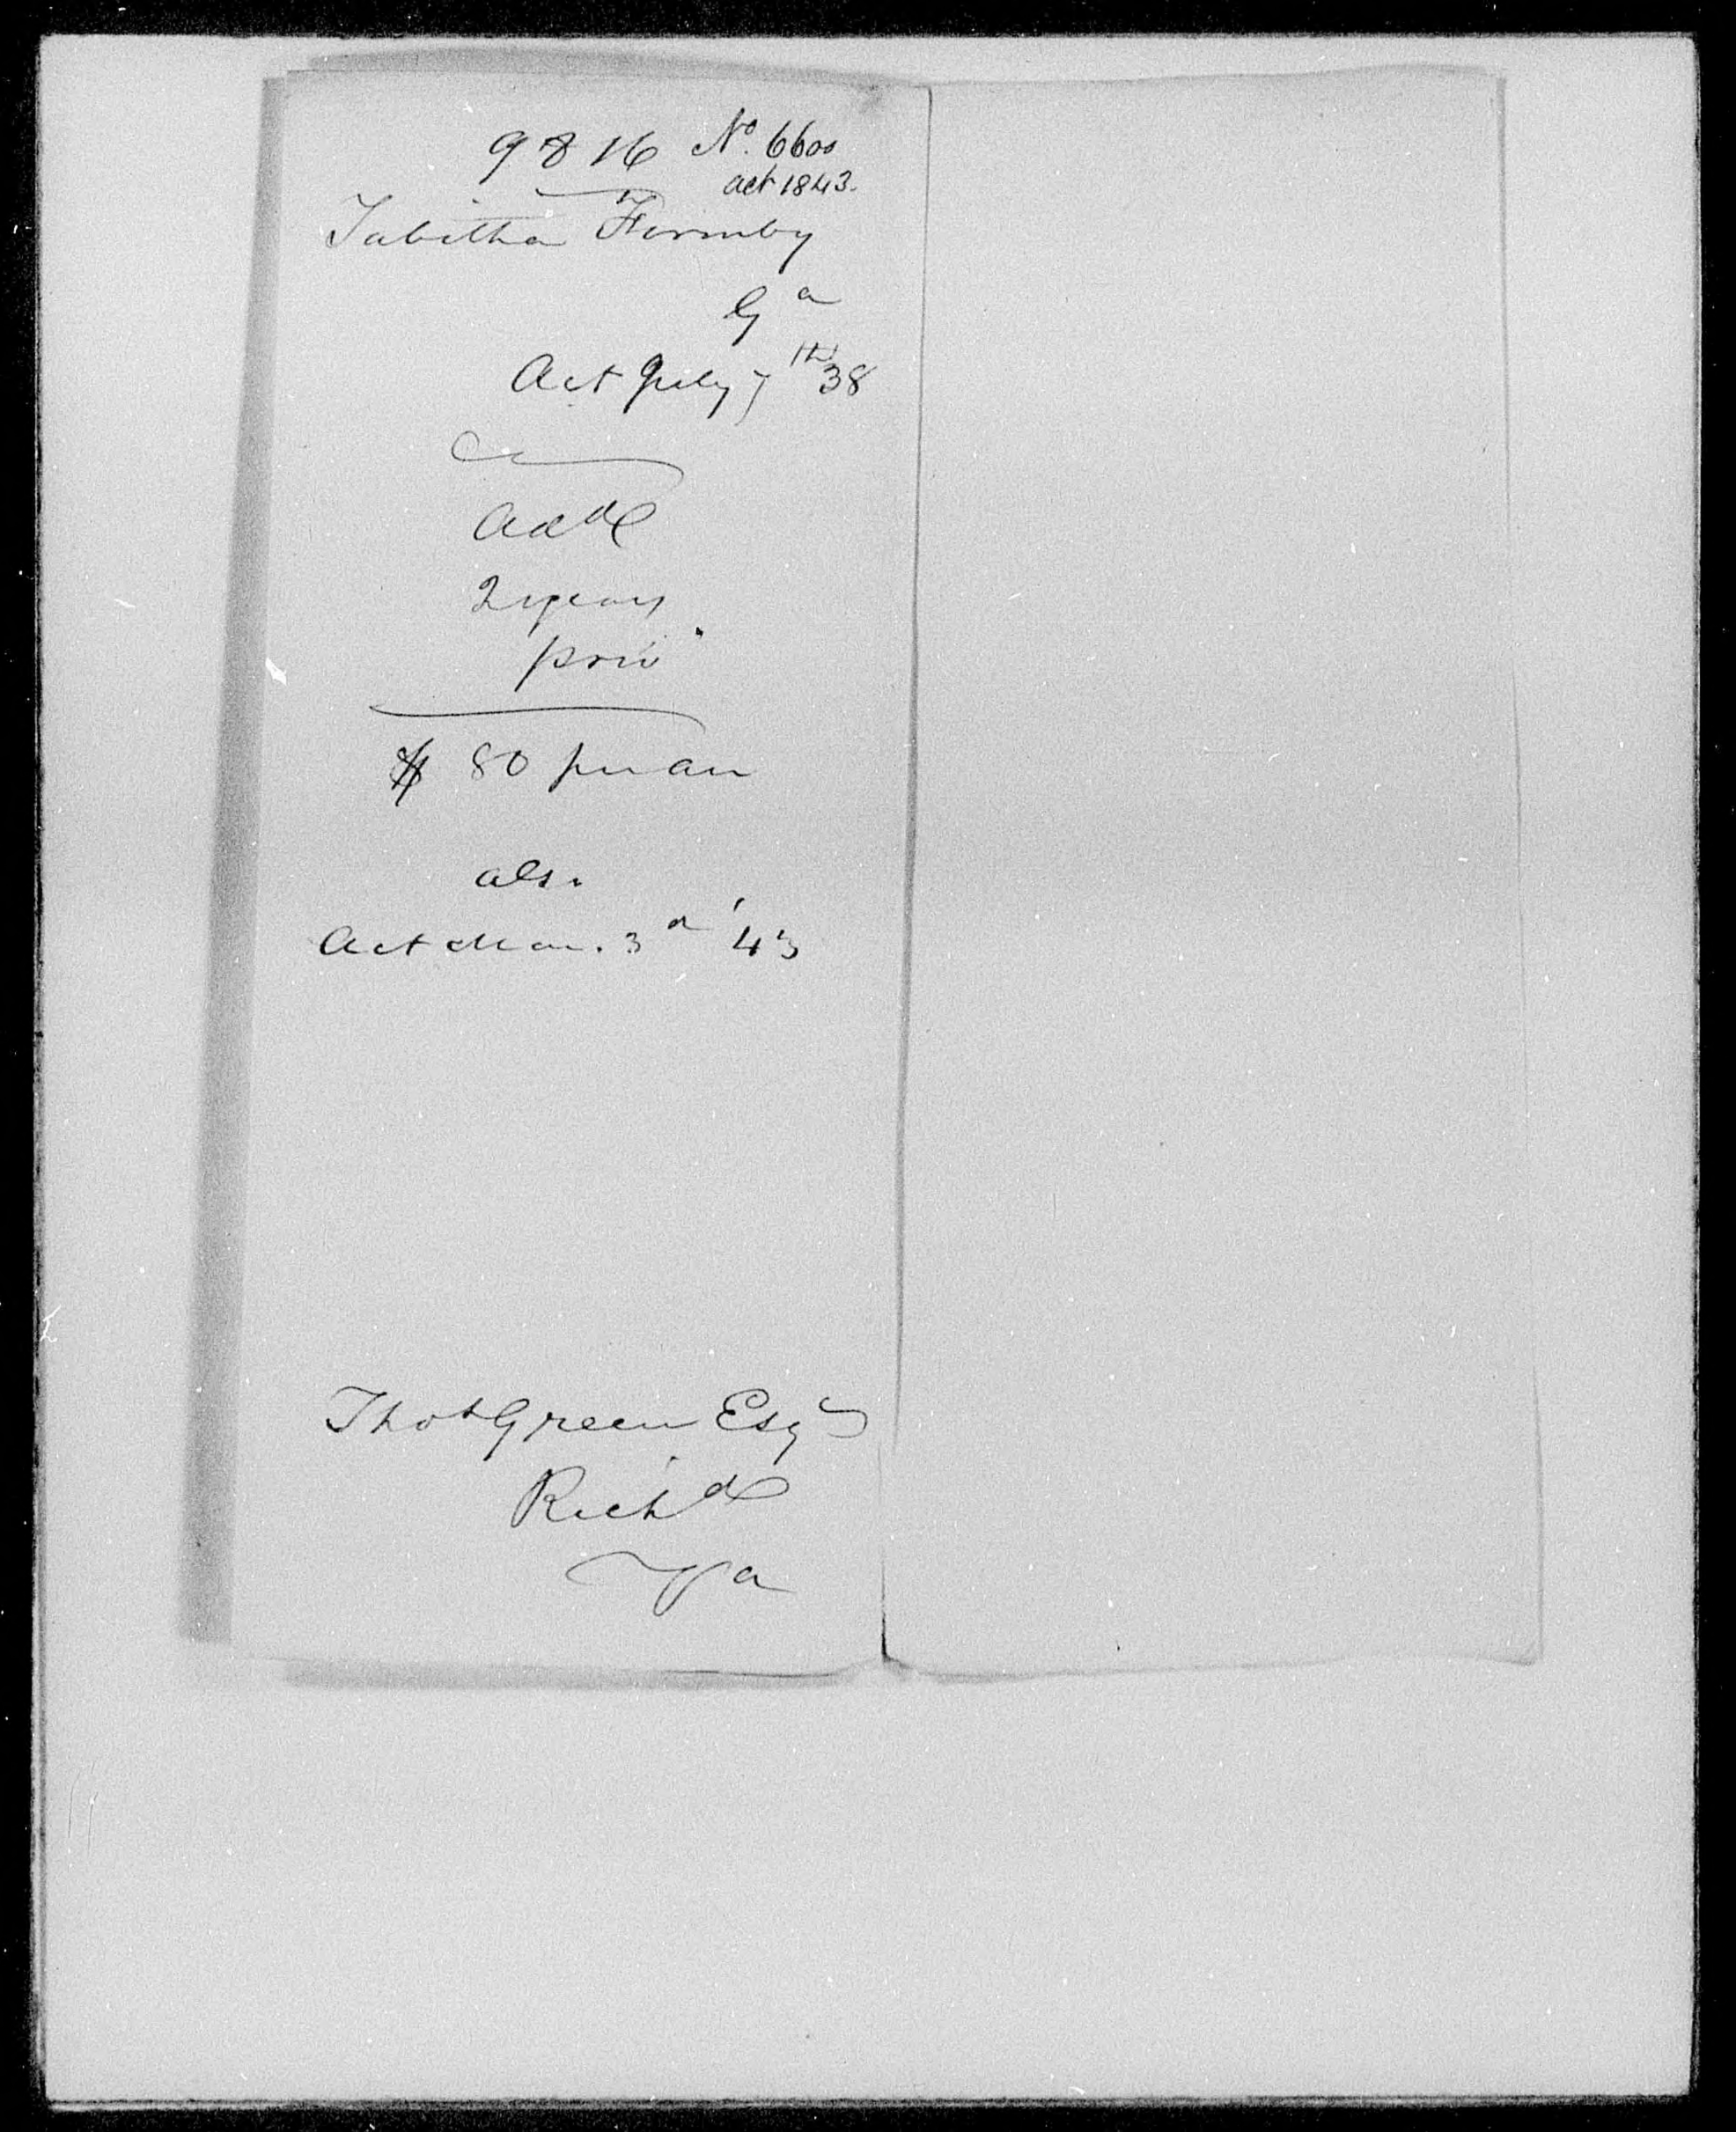9816 No. 6600 act 1843.
Tabitha Formby
Ga
Act July 7th 38

Add
2 years
priv

$80 per an
also
Act Mar. 3rd '43

Thos. Green Esq
Richd
Va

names: Thos Green, Tabitha Formby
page: 28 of 54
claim: widow's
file: W. 3794, Nathan Formby, Va.